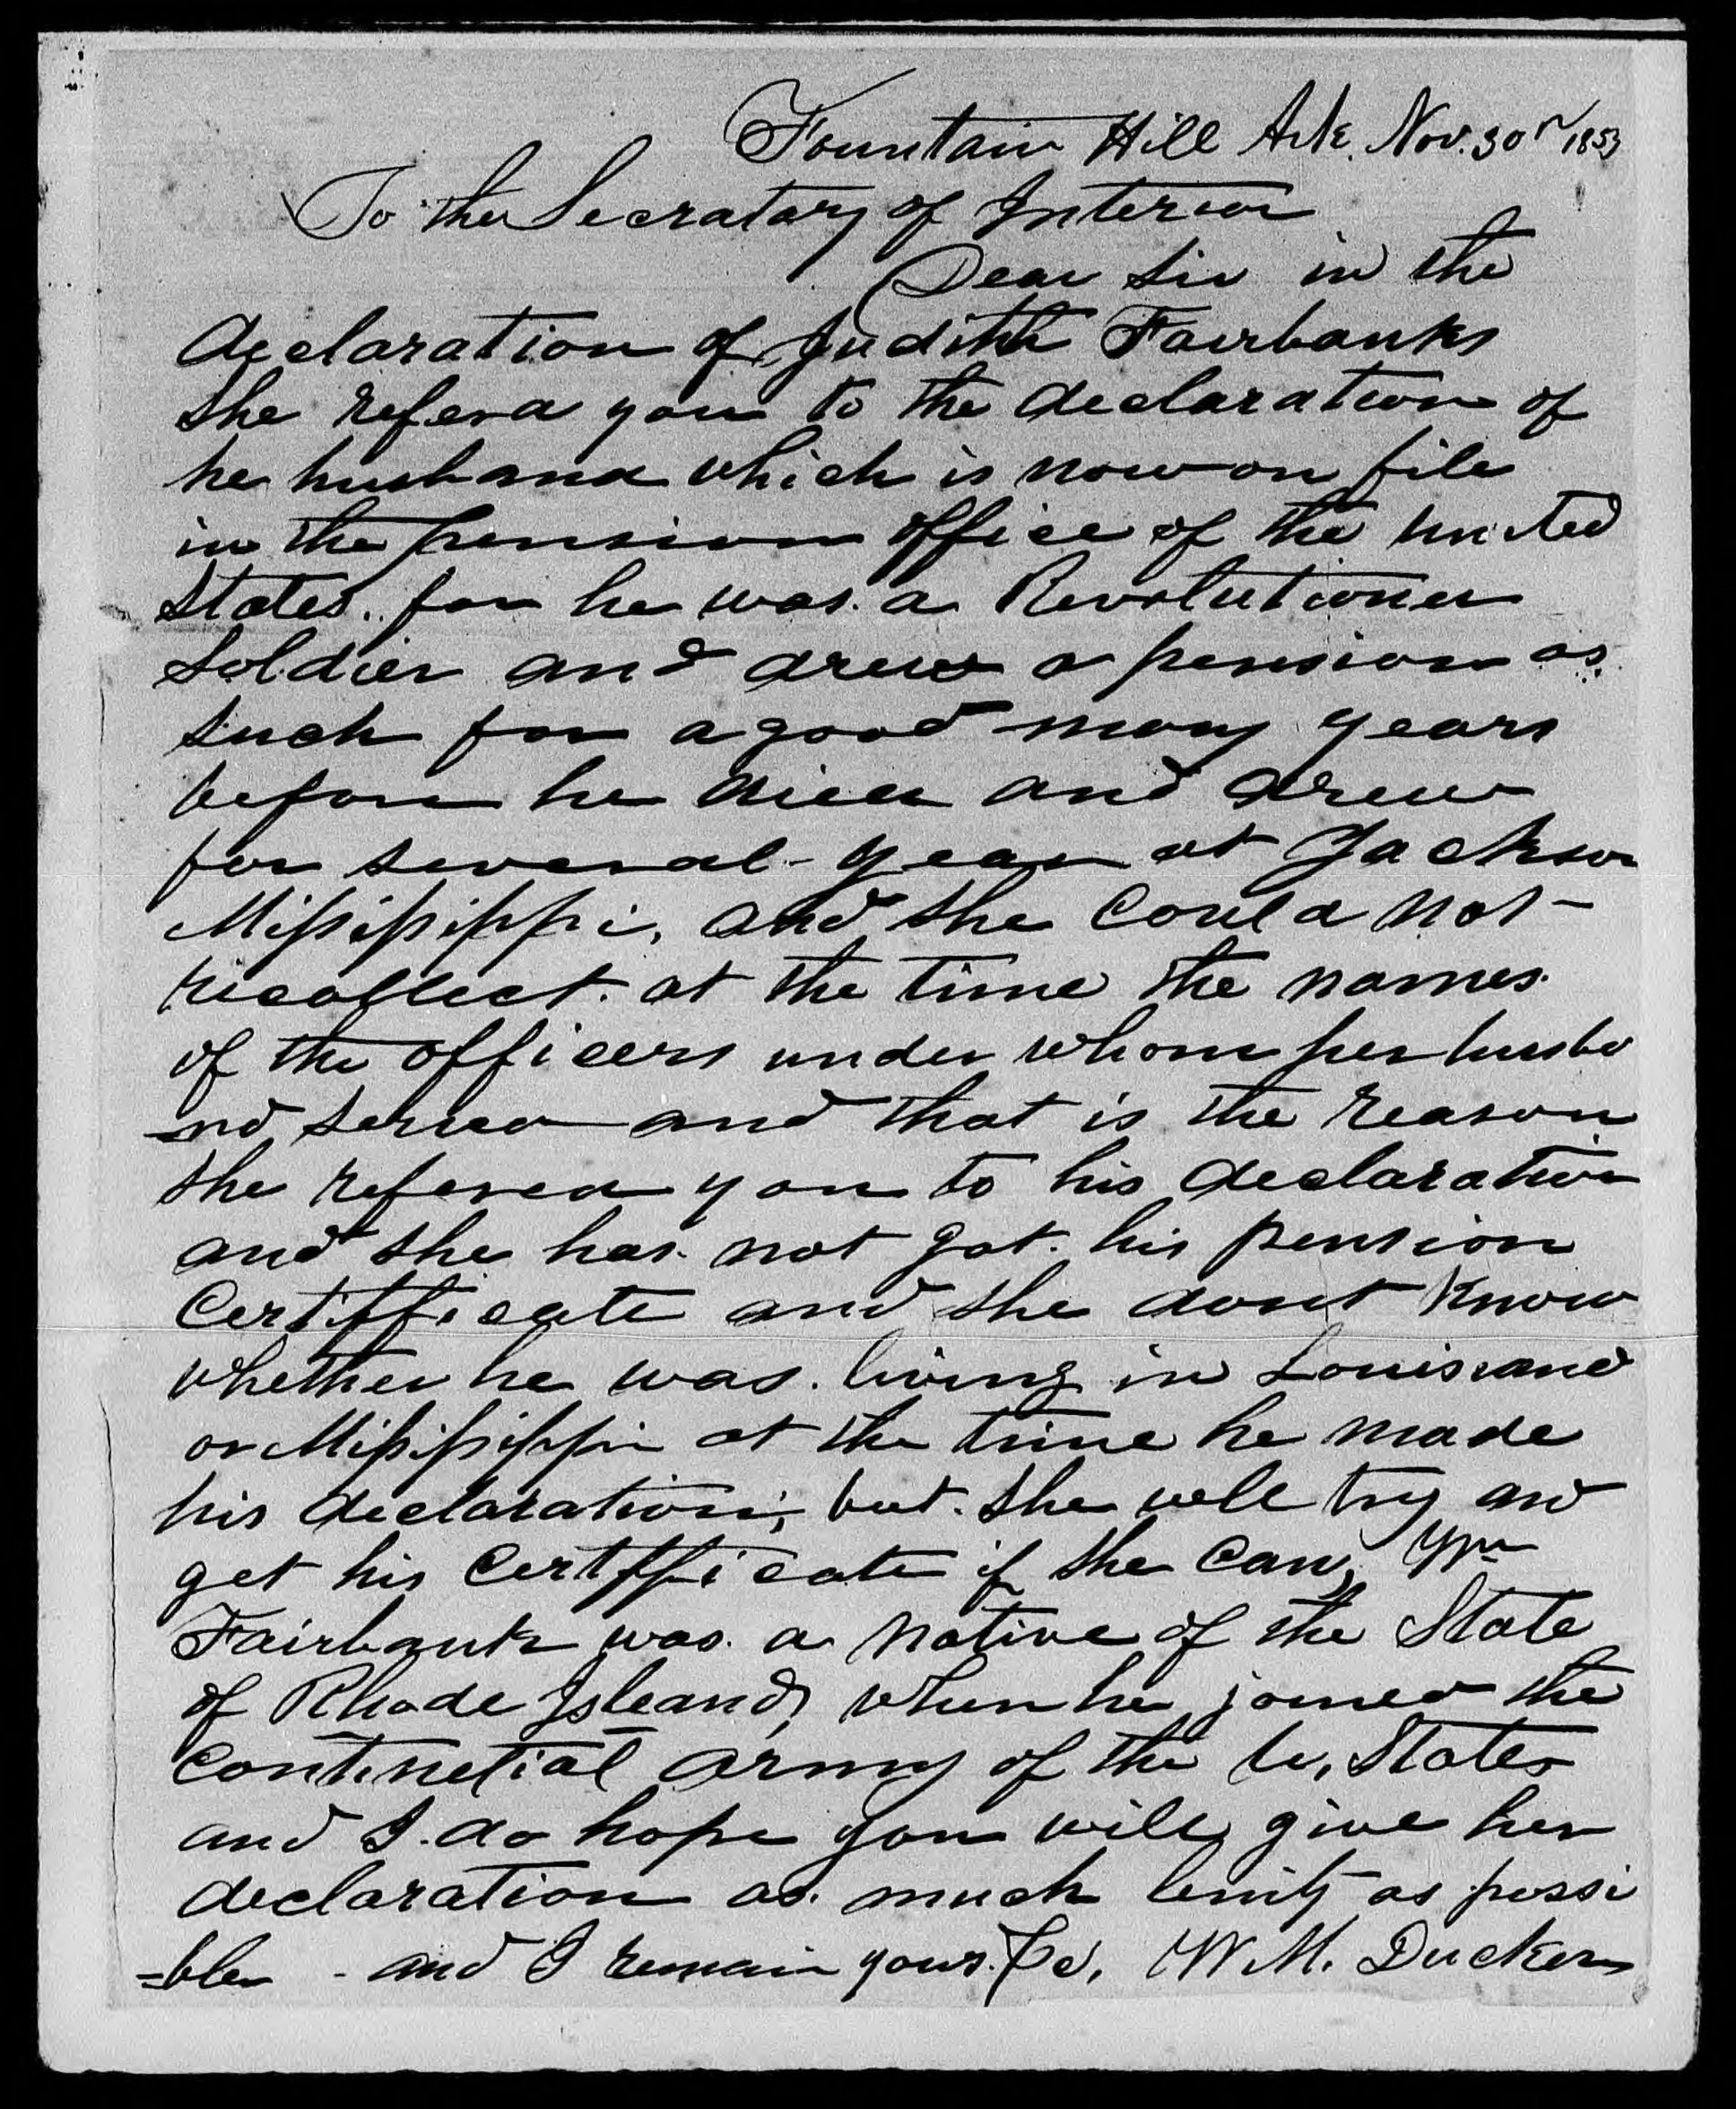Fountain Hill Ark, Nov. 30 1853
To the Secretary of Interior
Dear Sir in the declaration of Judith Fairbanks she referd you to the declaration of her husband which is now on file in the pension office of the United States for he was a Revolutiones Soldier and drew a pension as such for a good many years before he died and drew for several years at Jackson Mississippi, and she could not recollect at the time the names of the officers under whom her husband served and that is the reason she refered you to his declaration and she has not got his pension certificate and she doesn't know whether he was living in Louisiana or Mississippi at the time he made his declaration; but she will try and get his certificate if she can. Wm Fairbanks was a native of the State of Rhode Island when he joined the Continental Army of the U. States and I do hope you will give her declaration as much [illegible] as possible. and I remain your Fs W.M. Ducker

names: W M Ducker, Judith Fairbanks, Wm Fairbank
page: 9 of 17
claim: rejected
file: R. 3423, William Fairbanks, R.I.